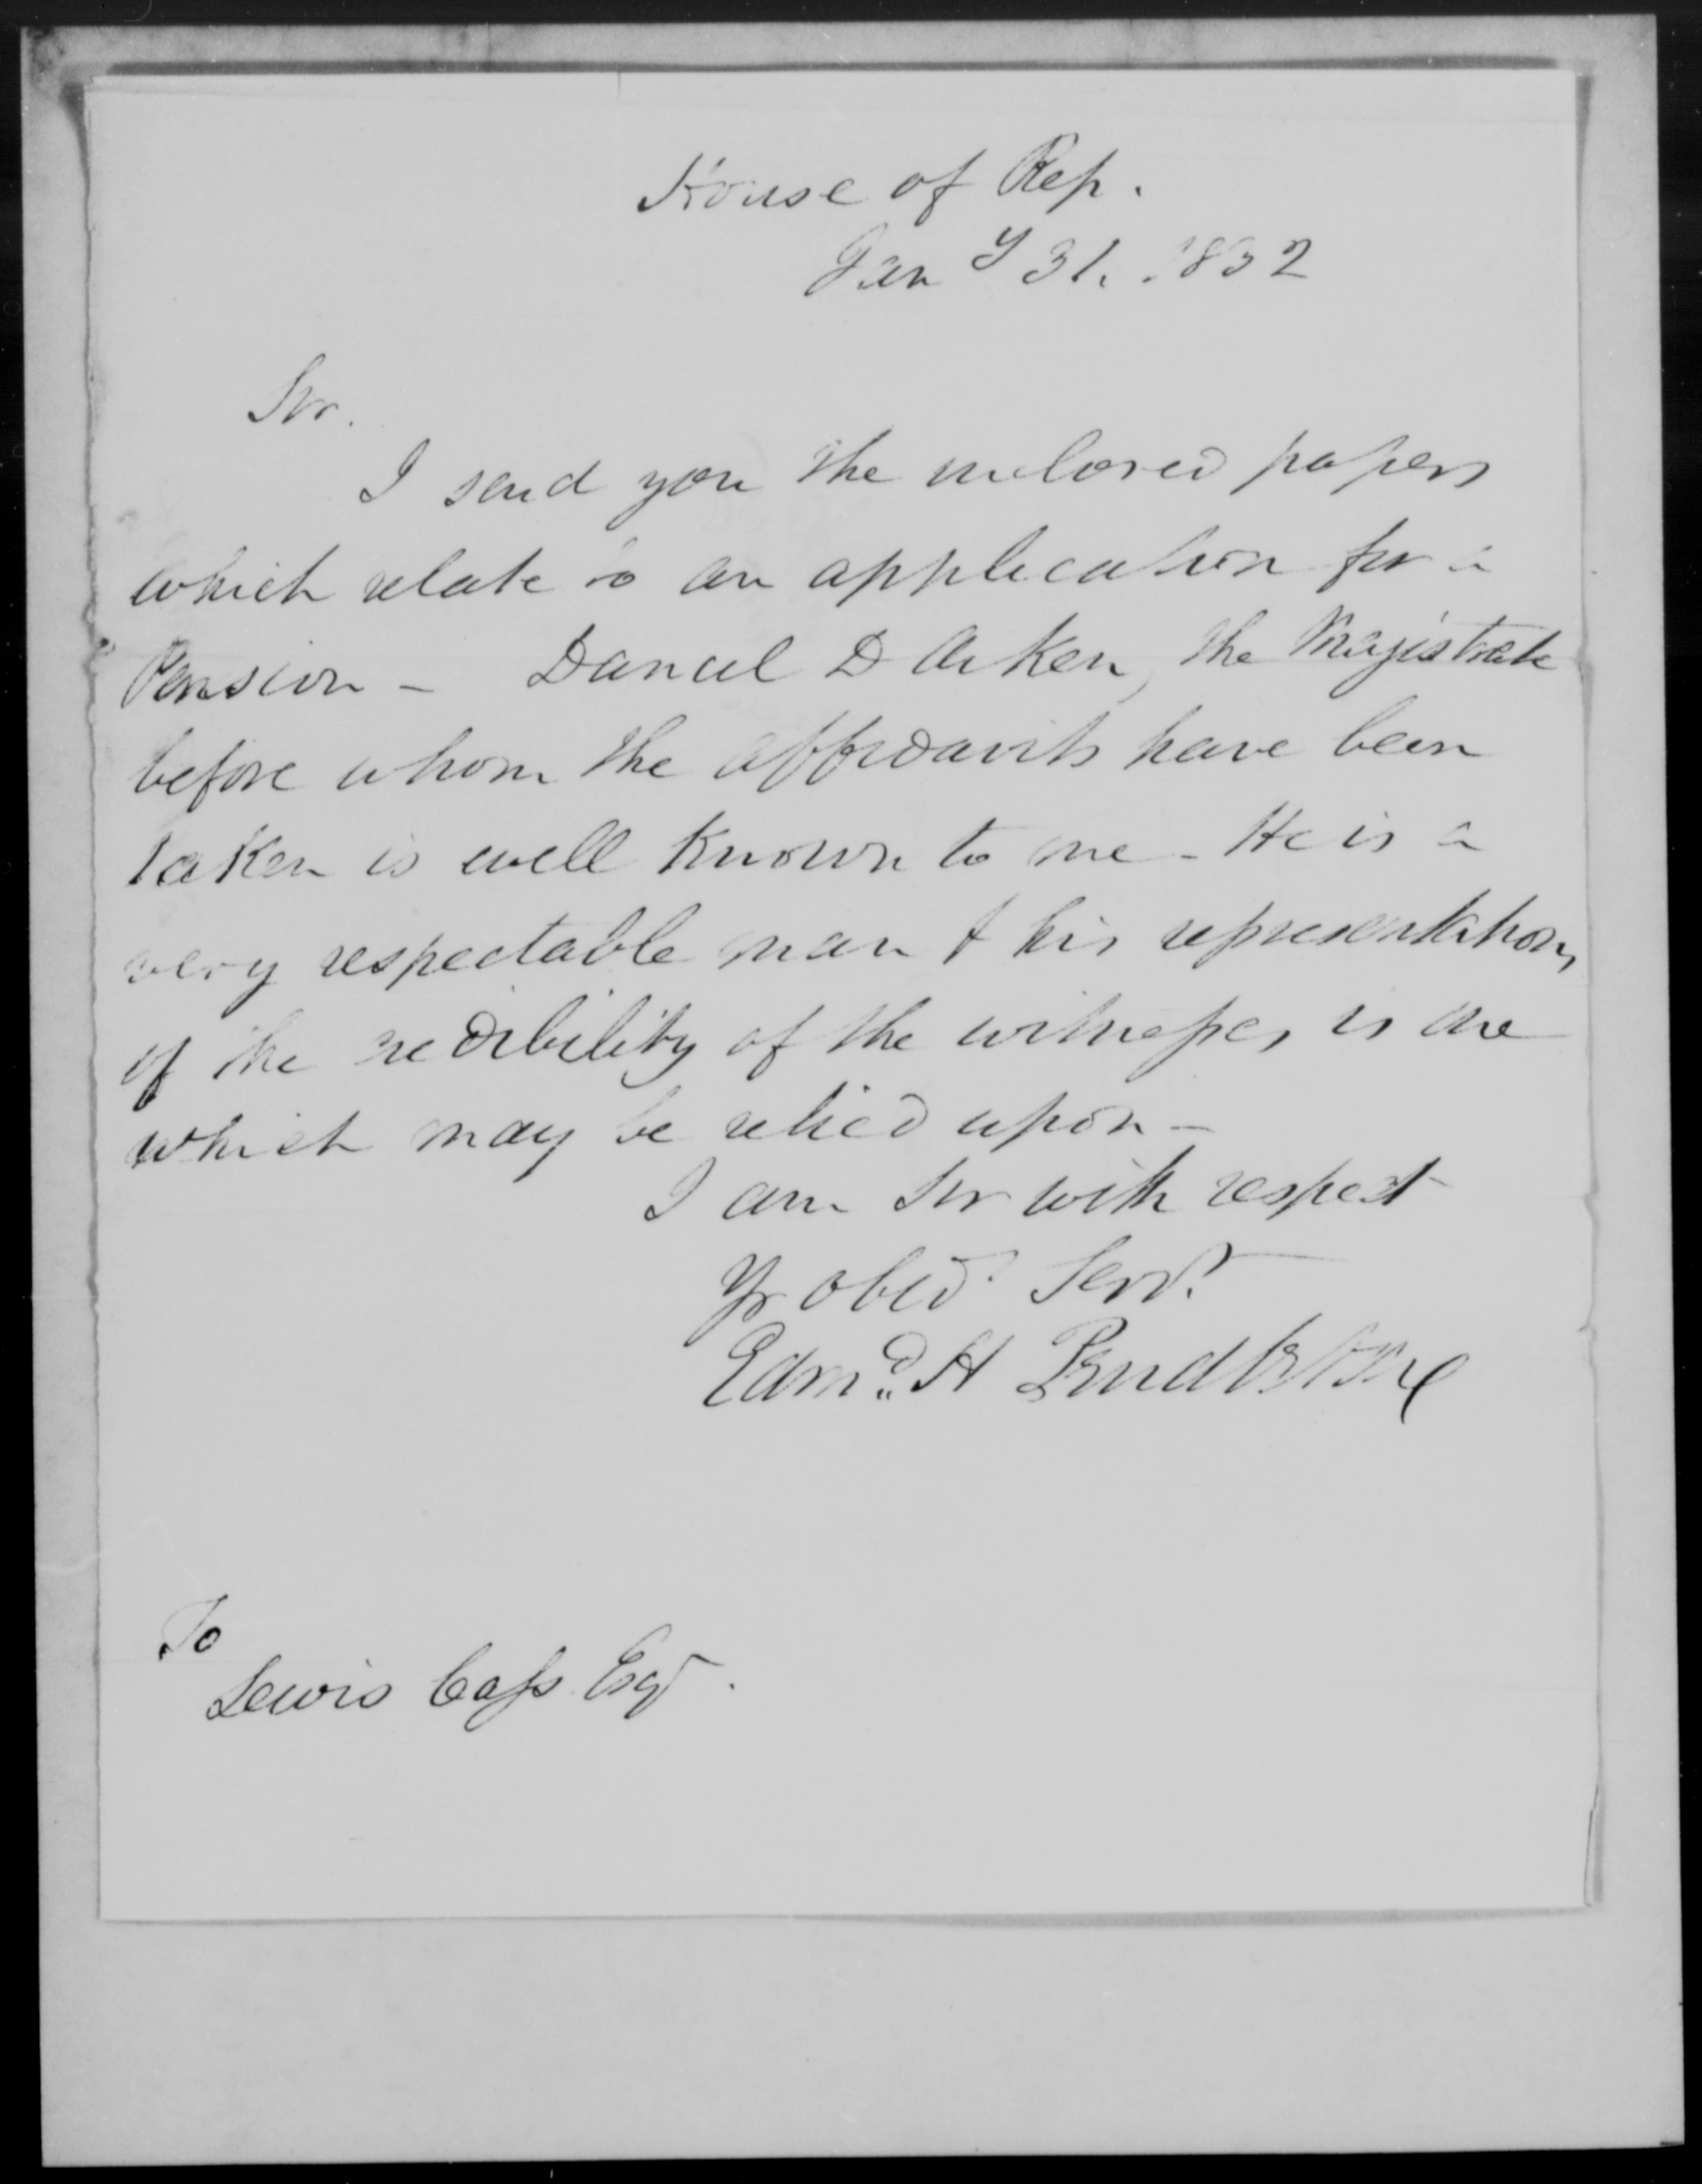House of Rep. 
Jan 31. 1832 
Sir.
I send you the enclosed papers which relate to an application for a Pension - Daniel D Aiken, The Magistrate before whom the affidavits have been taken is well known to me. He is a very respectable man & his representation, of the credibility of the witnesses, is the which may be relied upon 
I am Sir with respect 
Yr obed. Servt.
Edward H Pendleton 


To Lewis Cass Esq.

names: Lewis Cass, Edmd H Pendleton, Daniel D Aiken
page: 75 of 77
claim: widow's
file: W. 19658, John Woodin, New York